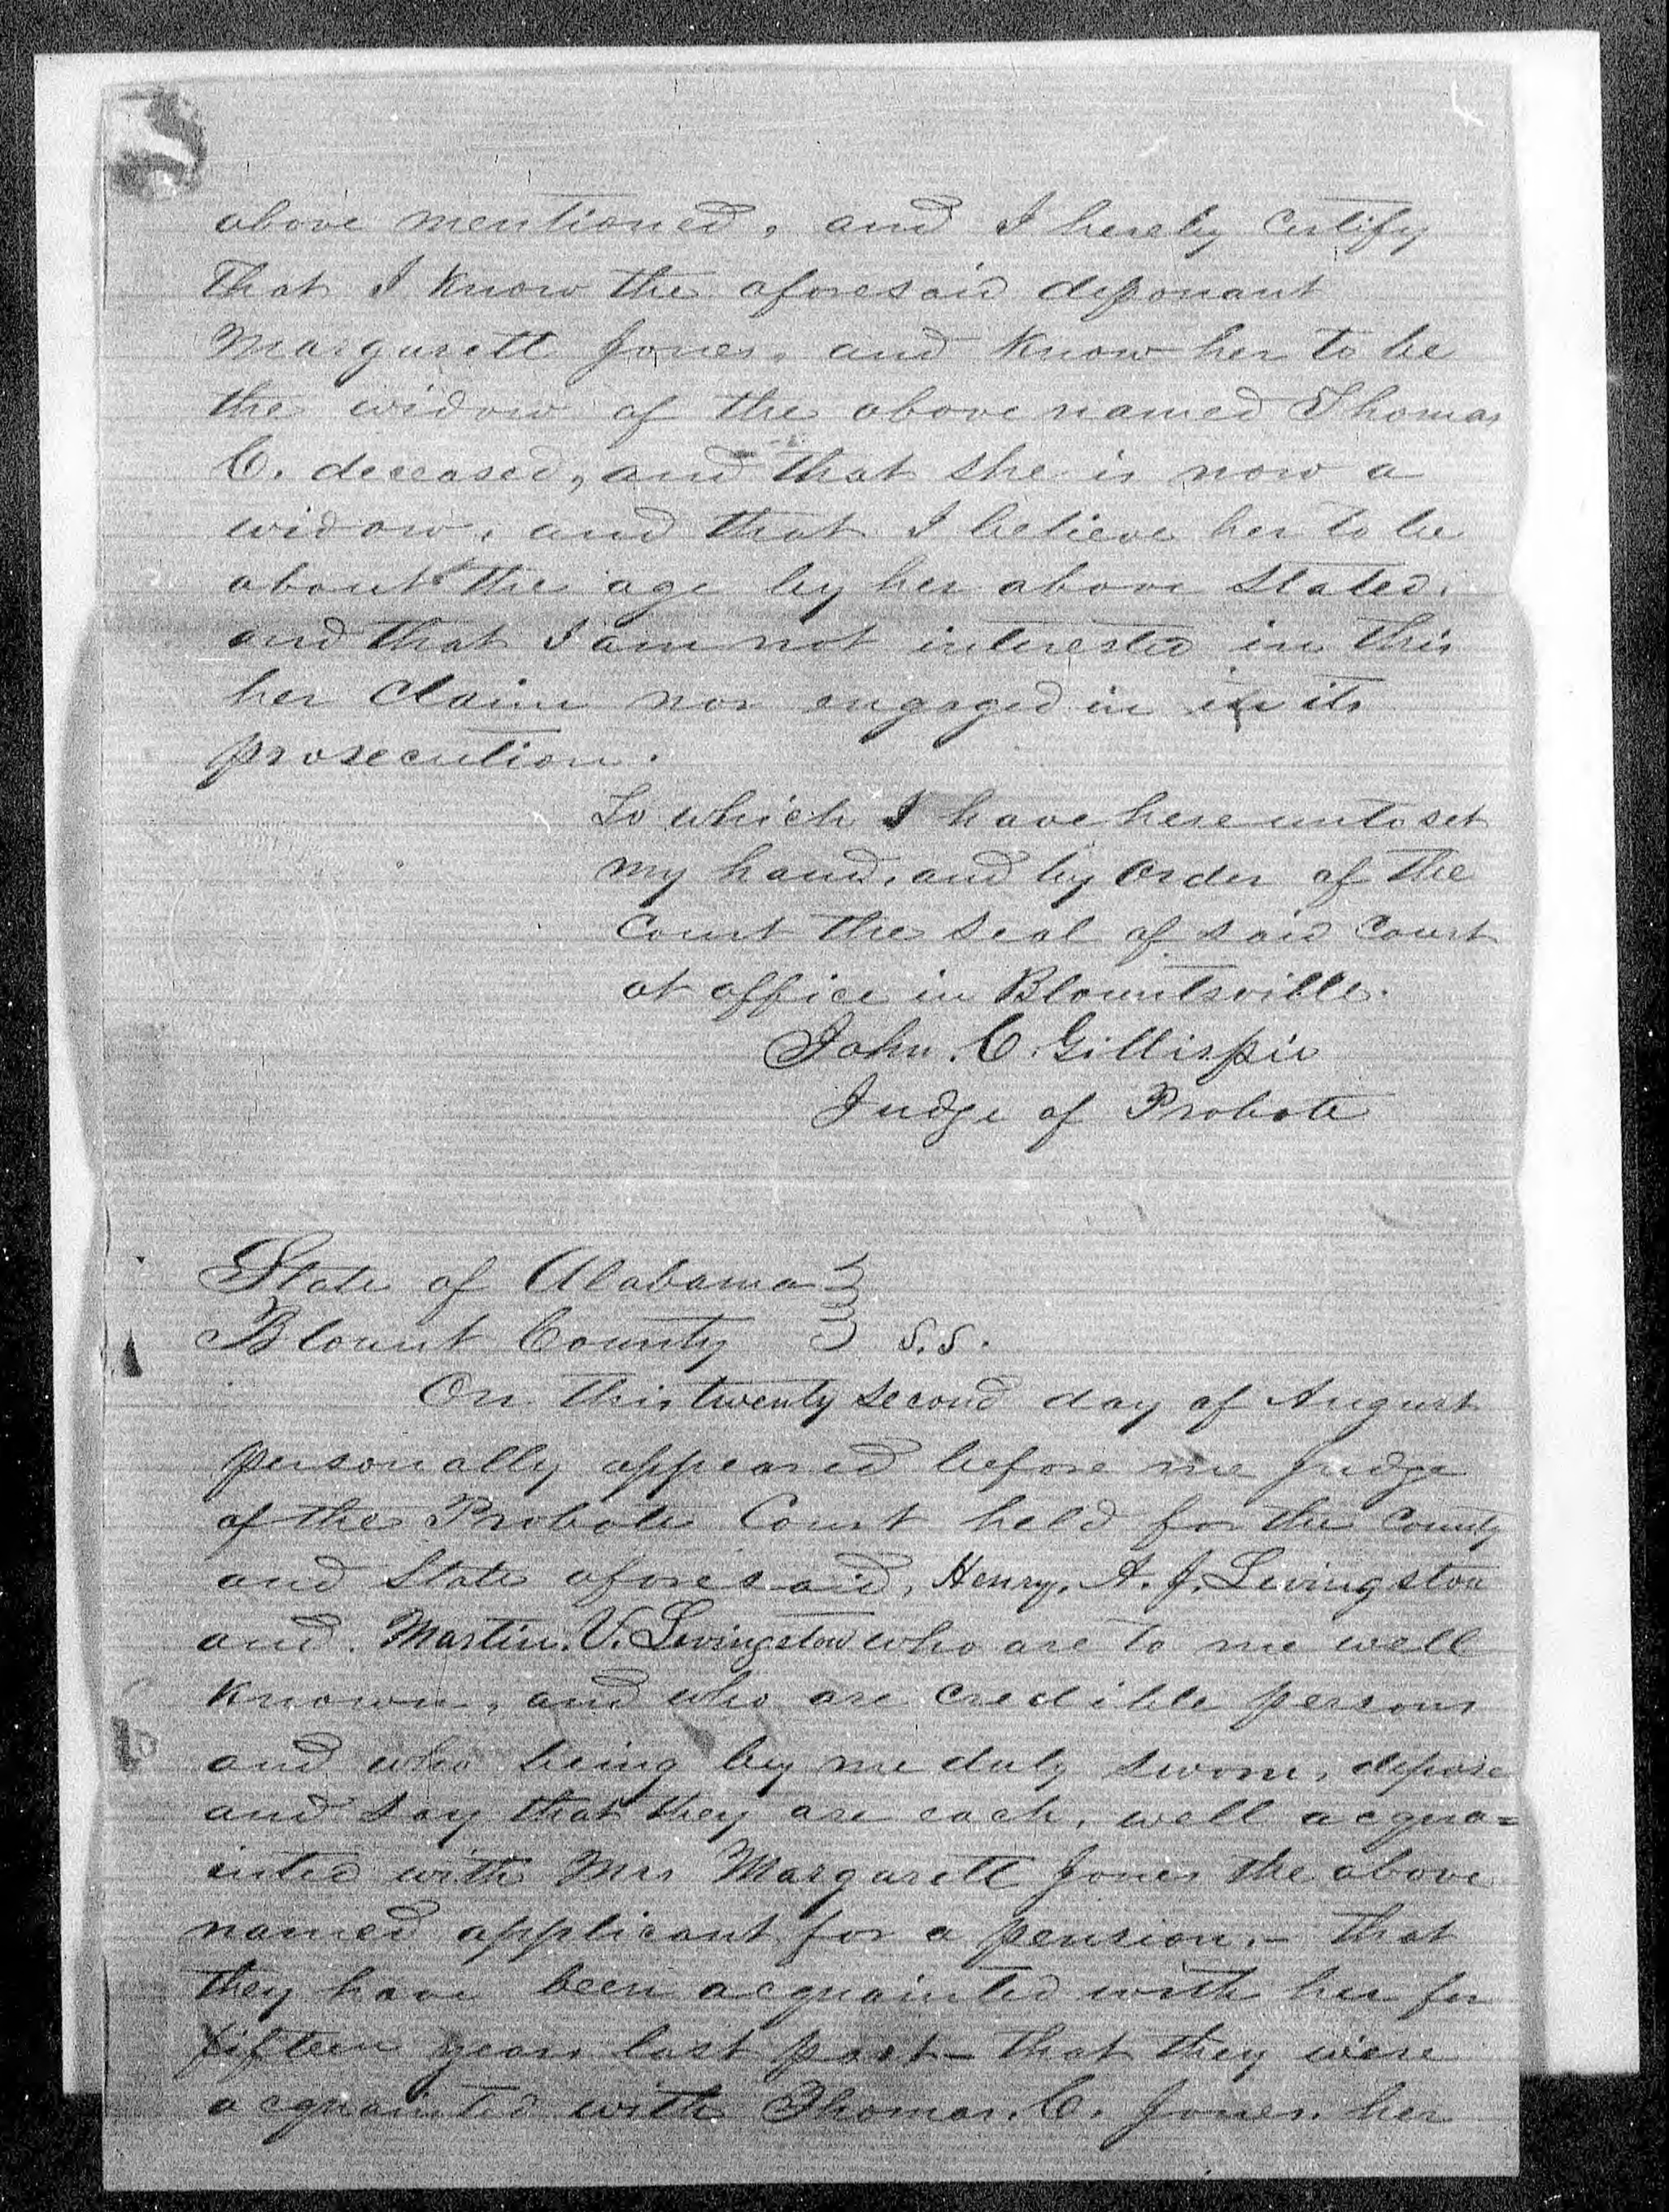above mentioned and I hereby certify
that I know the aforesaid deponant
Margarett Jones and know her to be 
the widow of the above named Thomas
C. deceased and that she is now a 
widow and that I believe her to be 
about the age by her above stated
and that I am not interested in this 
her claim nor engaged in its 
prosecution.
To which I have here unto set
my hand and by order of the 
court the seal of said court
at office in Blountsville.
John C. Gillispie
Judge of Probate

State of Alabama
Blount County S.S.
On this twenty second day of August
personally appeared before me Judge 
of the Probate Court held for the county 
and State aforesaid, Henry A. J. Livingston
and Martin V. Livingston who ae to me well
known and who are credible persons
and who being by me duly sworn deposed
and say that they are each well acquainted 
with Mrs. Margarett jones the above 
named applicant for a pension. that 
they have been acquainted with her for 
fifteen years last past - that they were 
acquainted with Thomas C. Jones her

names: Thomas C Jones; John C Gillispie; Martin V Levingston; Margarett Jones; Thomas C [BLANK]; Henry A J Levingston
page: 15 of 45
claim: widow's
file: W. 26160, for Thomas C Jones, Georgia